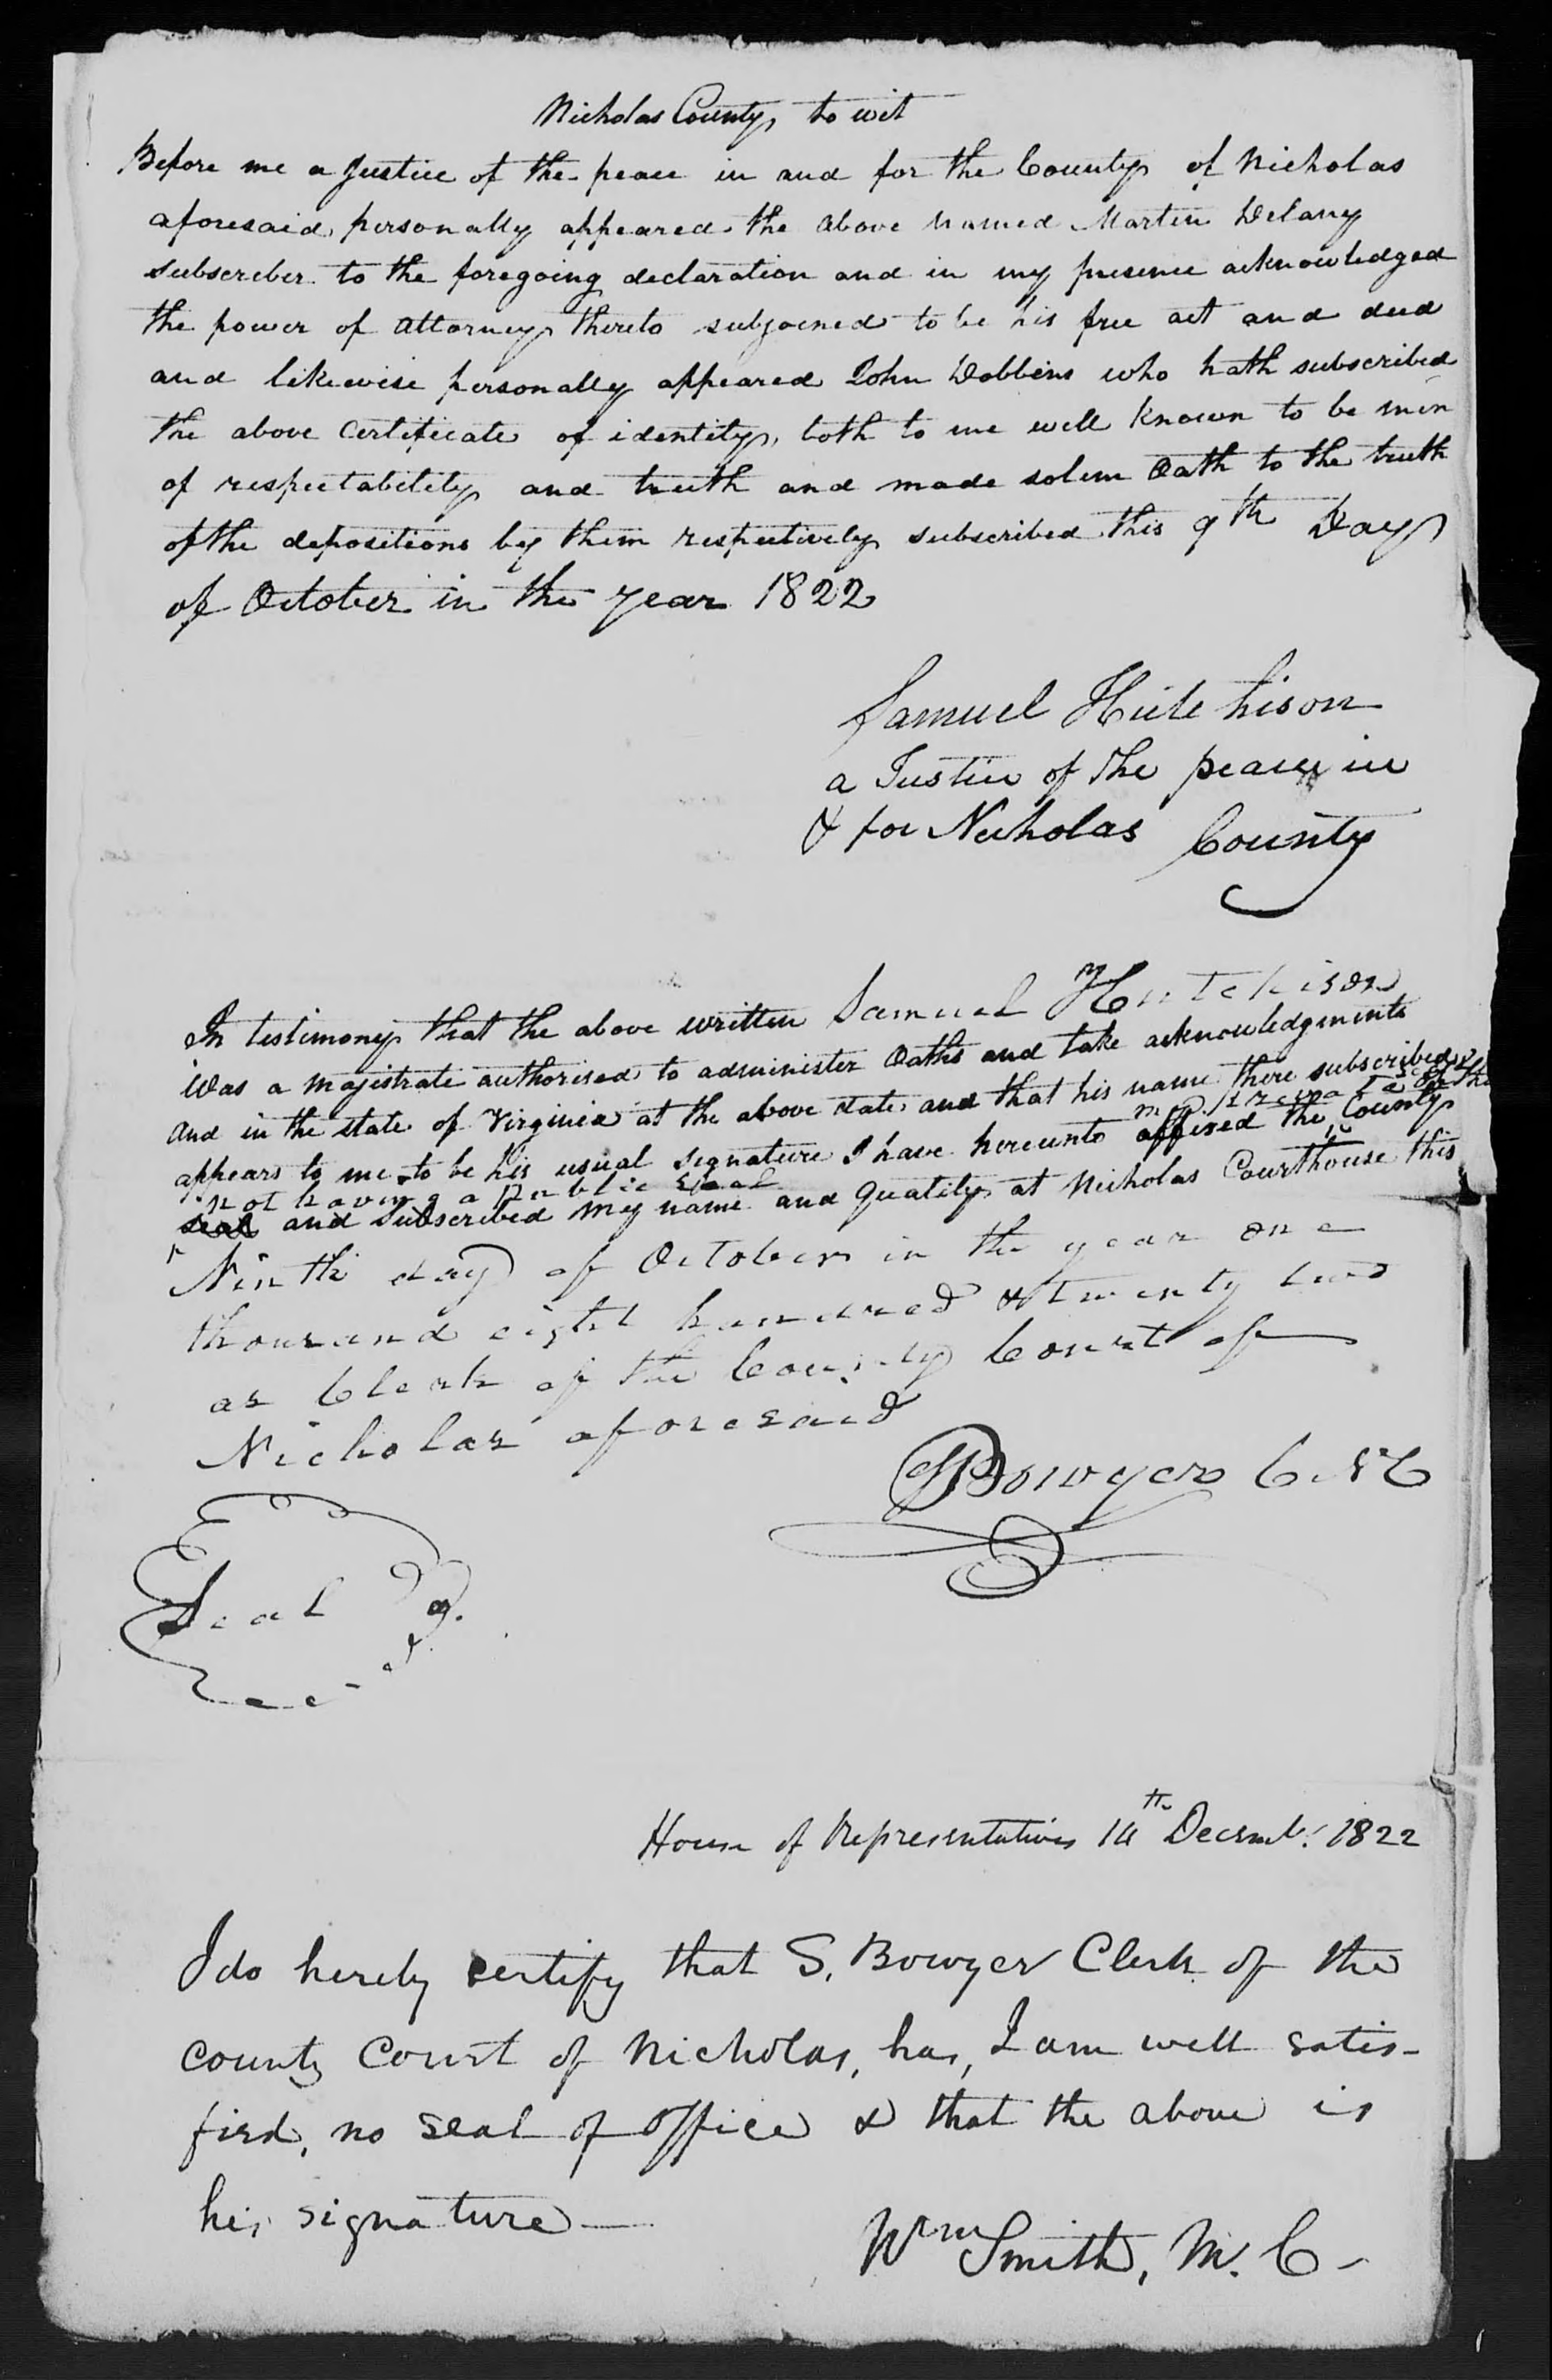Nicholas County to wit
Before me a Justice of the peace in and for the County of Nicholas aforesaid, personally appeared the above named Martin Delaney subscriber to the foregoing declaration and in my presence acknowledged the power of attorney thereto subjoined to be his free act and deed and likewise personally appeared John Dobbins who hath subscribed the above certificate of identity, both to me well known to be men of respectability and truth and made solemn oath to the truth of the depositions by them respectively subscribed this 9th day of October in the year 1822
Samuel Hutchison
a Justice of the peace in 
and for Nicholas County
In testimony that the above written Samuel Hutchison was a magistrate authorized to administer oaths and take acknowledgments and in the State of Virginia at the at the above state and that his name there subscribed appears to me to be his usual signature not having a public seal I have hereunto affixed the County seal and subscribed my name and quality at Nicholas Courthouse this Ninth day of October in the year one thousand eight hundred twenty two as Clerk of the County Court of Nicholas aforesaid
S Bowyer  Clerk

House of Representatives 16rh December 1822
I do hereby certify that S. Bowyer Clerk of the County Court of Nicholas has, I am well satisfied, no seal of office and that the above is his signature
Wm Smith M. C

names: Wm Smith, S Bowyer, Samuel Hutchison, Martin Delany, John Dobbins, S Bowyer, Samuel Hutchison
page: 7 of 22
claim: survivor's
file: S. 3,9425, Martin Delany, Penn.